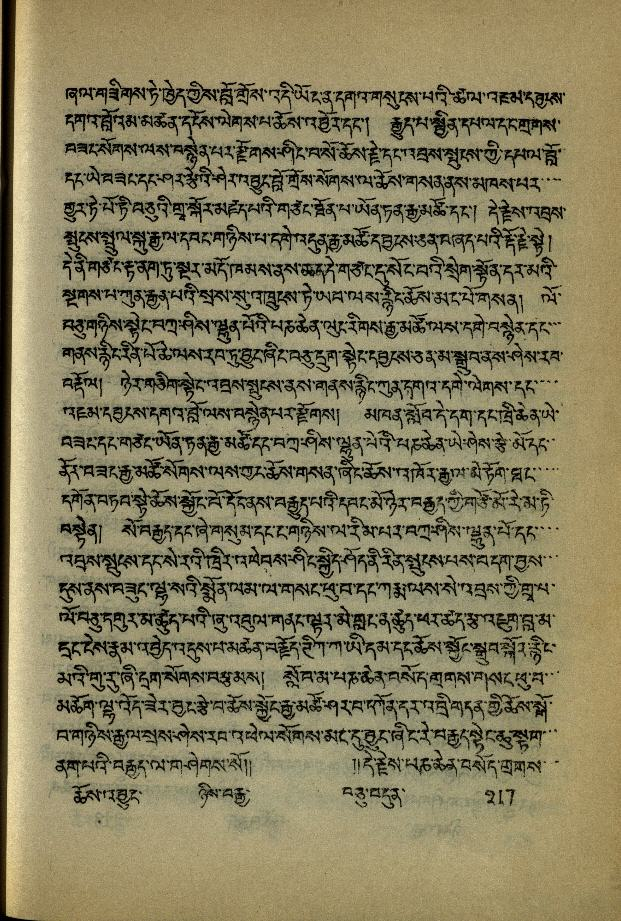ཞལ་གཟིགས་ཏེ་ཁྱེད་ཀྱིས་བློ་གྲོས་འདི་ཡོང་ན་དགའ་གསུངས་པའི་ཚལ་འཇམ་དབྱངས་
དགའ་བློའམ་མཚན་དངོས་ལེགས་པ་ཆོས་འབྱོར་དང་། རྒྱུད་པ་སྦྱིན་དཔལ་དང་གྲགས་
བཟང་སོགས་ལས་བསྙེན་པར་རྫོགས་ཤིང་བ་སོ་ཆོས་རྗེ་དང་འབྲས་སྤུངས་ཀྱི་དཔལ་བློ་
དང་ཡེ་བཟང་དང་ཤར་རྩེའི་ཤེར་འབྱུང་བློ་གྲོས་སོགས་ལ་ཆོས་གསན་ནས་མཁས་པར་
གྱུར་ཏེ་པོ་ཏི་བཅུའི་གྲྭ་སྐོར་མཛད་པའི་གཙང་ཐོན་པ་ཡོན་ཏན་རྒྱ་མཚོ་དང་། དེ་རྗེས་འབྲས་
སྤུངས་སྤྲུལ་སྐུ་རྒྱལ་དབང་གཉིས་པ་དགེ་འདུན་རྒྱ་མཚོ་དབྱངས་ཅན་བཞད་པའི་རྡོ་རྗེ་སྟེ།
དེ་ནི་གཙང་རྟ་ནག་ཏུ་སྔར་མདོ་ཁམས་ནས་ཆད་དེ་གཙང་དུ་སོང་བའི་སྲེག་སྟོན་དར་མའི་
སྔགས་པ་ཀུན་རྒྱན་པའི་སྲས་སུ་འཁྲུངས་ཏེ་ཡབ་ལས་རྙིང་ཆོས་མང་པོ་གསན། ལོ་
བཅུ་གཉིས་སྟེང་བཀྲ་ཤིས་ལྷུན་པོའི་པཎ་ཆེན་ལུང་རིགས་རྒྱ་མཚོ་ལས་དགེ་བསྙེན་དང་
གནས་རྙིང་རིན་པོ་ཆེ་ལས་རབ་ཏུ་བྱུང་ཞིང་བཅུ་དྲུག་སྟེང་དབྱངས་ཅན་མ་སྒྲུབ་ནས་ཤེས་རབ་
བརྡོལ། ཉེར་གཅིག་སྟེང་འབྲས་སྤུངས་ནས་གནས་རྙིང་ཀུན་དགའ་དགེ་ལེགས་དང་
འཇམ་དབྱངས་དགའ་བློ་ལས་བསྙེན་པར་རྫོགས། མཁན་སློབ་དེ་དག་དང་ཁྲི་ཆེན་ཡེ་
བཟང་དང་གཙང་ཡོན་ཏན་རྒྱ་མཚོ་དང་བཀྲ་ཤིས་ལྷུན་པོའི་པཎ་ཆེན་ཡེ་ཤེས་རྩེ་མོ་དང་
ནོར་བཟང་རྒྱ་མཚོ་སོགས་ལས་ཀྱང་ཆོས་གསན་ཞིང་ཆོས་འཁོར་རྒྱལ་མེ་ཏོག་ཐང་
དགོན་བཏབ་སྟེ་ཆོས་སྐྱོང་བོ་དོང་ནས་བརྒྱུད་པའི་དབང་མོ་ཉེར་བརྒྱད་ཀྱི་གཙོ་མོ་རེ་མ་ཏི་
བསྟེན། སོ་བརྒྱད་དང་ཞེ་གསུམ་དང་ང་གཉིས་ལ་རིམ་པར་བཀྲ་ཤིས་ལྷུན་པོ་དང་
འབྲས་སྤུངས་དང་སེ་རའི་ཁྲིར་འཕེབས་ཤིང་སྐྱིད་ཤོད་ནི་རིན་སྤུངས་པས་བདག་བྱས་
དུས་ནས་བཟུང་ལྷ་སའི་སྨོན་ལམ་ལ་གསང་ཕུ་བ་དང་ཀརྨ་ལས་སེ་འབྲས་ཀྱི་གྲྭ་པ་
ལོ་བཅུ་དགུར་མ་ཚུད་པའི་ཞུ་འབུལ་གནང་ལྟར་མེ་གླང་ན་ཚུད་ཕར་ཚད་རྩ་འཇུག་བླ་མ་
དྲང་ངེས་རྣམ་འབྱེད་འདུས་པ་མཚན་བརྗོད་ཊིཀ་ཀ་ཡི་དམ་དང་ཆོས་སྐྱོང་སྒྲུབ་སྐོར་རྙིང་
མའི་གུ་རུ་ཞི་དྲག་སོགས་བརྩམས། སློབ་མ་པཎ་ཆེན་བསོད་གྲགས་གསང་ཕུ་བ་
མཆོག་ལྷ་འོད་ཟེར་བྱང་རྩེ་བ་ཆོས་སྐྱོང་རྒྱ་མཚོ་ཤར་བ་དཀོན་དར་འབྲི་གདན་གྱི་ཆོས་སྒོ་
བ་གཉིས་རྒྱལ་སྲས་ཤེས་རབ་འཕེལ་སོགས་མང་དུ་བྱུང་ཞིང་རེ་བརྒྱད་སྟེང་ཆུ་སྟག་
ནག་པའི་བརྒྱད་ལ་གཤེགས་སོ།། །།རྡོ་རྗེས་པཎ་ཆེན་བསོད་གྲག་